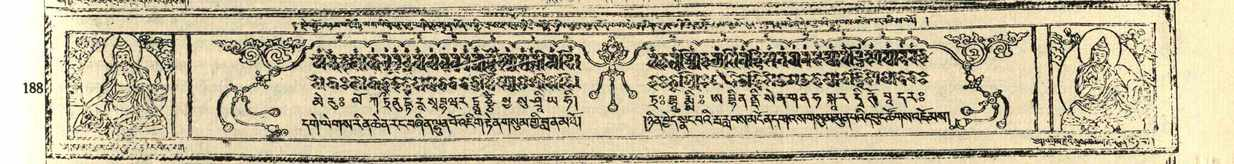མེ་རུཿ ལོ་ཀ་ཏྲྀ་ནུ་དྟ་རཱ་སྭབྷ་ཝར་ཏྣཱ་ཙྩཻ་སྱ་སུ་ཤྲཱི་ཡ་ཧི། ཏྲཿ བྷཱུ་རྨྨིཿ ཨ་བྷིན་ནྡི་སེན་ག་ན་ཧ་སྐཱ་ར་དྭི་ཊོ་བཱ་དརཿ
དགེ་ལེགས་རིན་ཆེན་རང་བཞིན་ལྷུན་པོ་འཇིག་རྟེན་གསུམ་གྱི་བླ་ན་མཐོ། །ཉིན་བྱེད་སྣང་བའི་རྦ་རླབས་མངོན་དགའ་ས་གསུམ་མུན་པའི་དབུང་ཚོགས་འཇོམས།